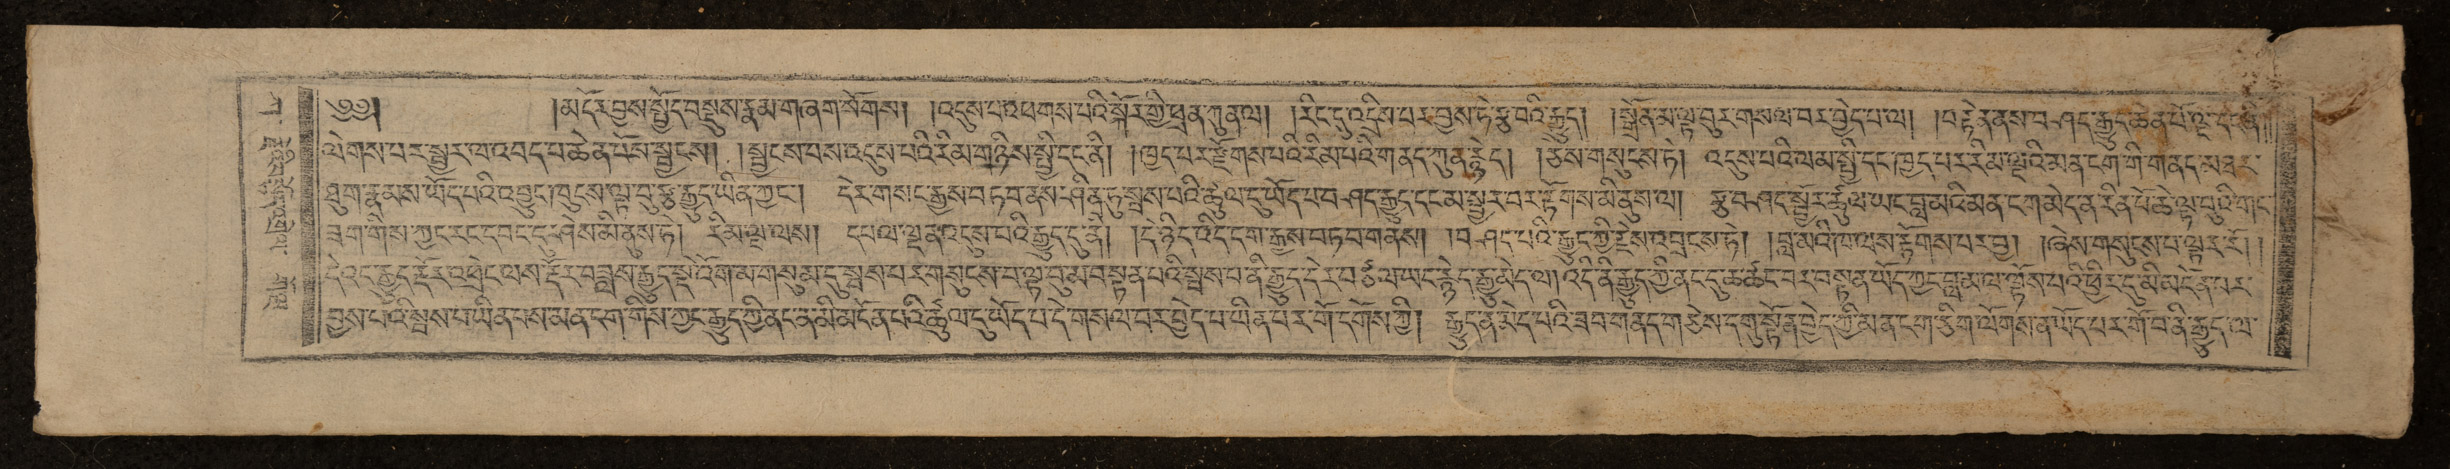༄༅། །མདོར་བྱས་སྤྱོད་བསྡུས་རྣམ་གཞག་སོགས། །འདུས་པ་འཕགས་པའི་སྐོར་གྱི་ཕྲན་ཀུན་ལ། །རིང་དུ་འདྲིས་བར་བྱས་ཏེ་རྩ་བའི་རྒྱུད། །སྒྲོན་མ་ལྟ་བུར་གསལ་བར་བྱེད་པ་ལ། །བརྟེན་ནས་བཤད་རྒྱུད་ཆེན་པོ་ལྔ་དང་ནི། །
ལེགས་པར་སྦྱར་ལ་འབད་པ་ཆེན་པོས་སྦྱངས། །སྦྱངས་པས་འདུས་པའི་རིམ་གཉིས་སྤྱི་དང་ནི། །ཁྱད་པར་རྫོགས་པའི་རིམ་པའི་གནད་ཀུན་རྙེད། །ཅེས་གསུངས་ཏེ། འདུས་པའི་ལམ་སྤྱི་དང་ཁྱད་པར་རིམ་ལྔའི་མན་ངག་གི་གནད་མཐར་
ཐུག་རྣམས་ཡོང་བའི་འབྱུང་ཁུངས་ལྟ་བུ་རྩ་རྒྱུད་ཡིན་ཀྱང་། དེར་གསང་རྒྱས་བཏབ་ནས་ཤིན་ཏུ་སྦས་པའི་ཚུལ་དུ་ཡོད་པ་བཤད་རྒྱུད་དང་མ་སྦྱར་བར་རྟོགས་མི་ནུས་ལ། རྩ་བཤད་སྦྱོར་ཚུལ་ཡང་བླ་མའི་མན་ངག་མེད་ན་རིན་པོ་ཆེ་ལྟ་བུའི་གང་
ཟག་གིས་ཀྱང་རང་དབང་དུ་ཤེས་མི་ནུས་ཏེ། རིམ་ལྔ་ལས། དཔལ་ལྡན་འདུས་པའི་རྒྱུད་དུ་ནི། །དེ་ཉིད་འདི་དག་རྒྱས་བཏབ་གནས། །བཤད་པའི་རྒྱུད་ཀྱི་རྗེས་འབྲངས་ཏེ། །བླ་མའི་ཁ་ལས་རྟོགས་པར་བྱ། །ཞེས་གསུངས་པ་ལྟར་རོ། །
དེའང་རྒྱུད་རྡོར་འཕྲེང་ལས་རྡོར་བཟླས་རྒྱུད་སྡེ་འོག་མ་གསུམ་དུ་སྦས་པར་གསུངས་པ་ལྟ་བུ་མ་བསྟན་པའི་སྦས་པ་ནི་རྒྱུད་དེར་བཙལ་ཡང་རྙེད་རྒྱུ་མེད་ལ། འདི་ནི་རྒྱུད་ཀྱི་ནང་དུ་ཆ་ཚང་བར་བསྟན་ཡོད་ཀྱང་བླ་མ་ལ་ལྟོས་པའི་ཕྱིར་དུ་མི་མངོན་པར་
བྱས་པའི་སྦས་པ་ཡིན་པས་མན་ངག་གིས་ཀྱང་རྒྱུད་ཀྱི་ནང་ན་མི་མངོན་པའི་ཚུལ་དུ་ཡོད་བ་དེ་གསལ་བར་བྱེད་པ་ཡིན་པར་གོ་དགོས་ཀྱི། རྒྱུད་ན་མེད་པའི་ཟབ་གནད་གཅེས་དགུ་སྟོན་བྱེད་ཀྱི་མན་ངག་ཅིག་ལོགས་ན་ཡོད་པར་གོ་བ་ནི་རྒྱུད་ལ་